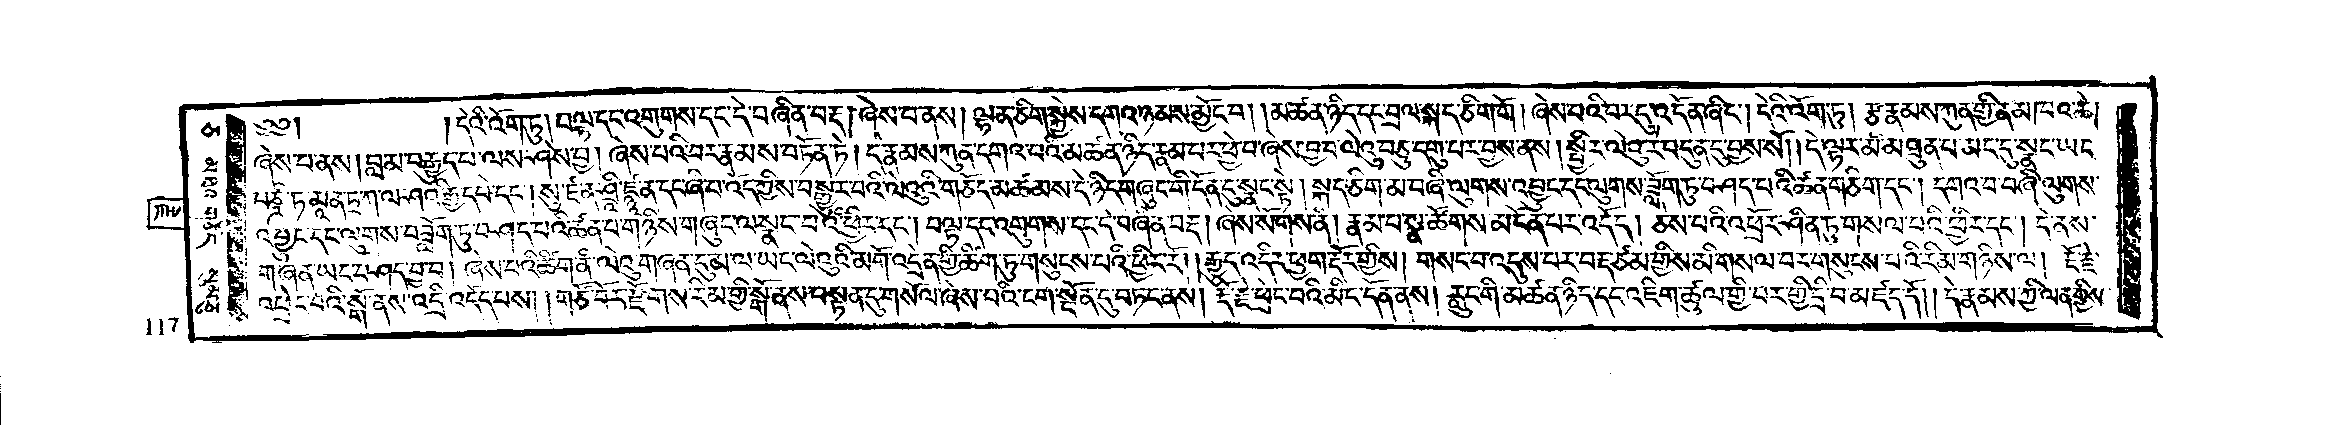༄༅། །དེའི་འོག་ཏུ། བལྟ་དང་འགུགས་དང་དེ་བཞིན་བརྡ། ཞེས་པ་ནས། ལྷན་ཅིག་སྐྱེས་དགའ་ཉམས་མྱོང་བ། །མཚན་ཉིད་དང་བྲལ་སྐད་ཅིག་གོ །ཞེས་པའི་བར་དུ་འདོན་ཞིང་། དེའི་འོག་ཏུ། རྩ་རྣམས་ཀུན་གྱི་ནམ་མཁའ་ཆེ།
ཞེས་པ་ནས། བླ་མ་བརྒྱུད་པ་ལས་ཤེས་བྱ། ཞེས་པའི་བར་རྣམས་བཏོན་ཏེ། དེ་རྣམས་ཀུན་དགའ་བའི་མཚན་ཉིད་རྣམ་པར་ཕྱེ་བ་ཞེས་བྱ་བ་ལེའུ་བཅུ་དགུ་པར་བྱས་ནས། སྤྱིར་ལེའུ་རེ་བདུན་དུ་བྱས་སོ། །དེ་ལྟར་མི་མཐུན་པ་མང་དུ་སྣང་ཡང་
པཎྜི་ཏ་མཱན་ཏྲ་ཀ་ལ་ཤའི་རྒྱ་དཔེ་དང་། སུ་ཛ་ན་ཤྲཱི་ཛྙཱ་ན་དང་ཞི་པ་འོད་ཀྱིས་བསྒྱུར་བའི་ལེའུའི་གཅོད་མཚམས་དེ་ཉིད་གཞུང་གི་དོན་དུ་སྣང་སྟེ། སྐད་ཅིག་མ་བཞི་ལུགས་འབྱུང་དང་ལུགས་ཟློག་ཏུ་བཤད་པའི་ཚན་གཅིག་དང་། དགའ་བ་བཞི་ལུགས་
འབྱུང་དང་ལུགས་བཟློག་ཏུ་བཤད་པའི་ཚན་པ་གཉིས་གཞུང་ལ་སྣང་པའི་ཕྱིར་དང་། བལྟ་དང་འགུགས་དང་དེ་བཞིན་བརྡ། ཞེས་སོགས་ནི། རྣམ་པ་སྣ་ཚོགས་མངོན་པར་འདོད། ཅེས་པའི་འཕྲོར་ཤིན་ཏུ་གསལ་པའི་ཕྱིར་དང་། དེ་ནས་
གཞན་ཡང་བཤད་བྱ་བ། ཞེས་པའི་ཚིག་ནི་ལེའུ་གཞན་དུ་མ་ལ་ཡང་ལེའུའི་མགོ་འདྲེན་གྱི་ཚིག་ཏུ་གསུངས་པའི་ཕྱིར་རོ། །རྒྱུད་འདིར་ཕྱག་རྡོར་གྱིས། གསང་བ་འདུས་པར་བརྡ་ཙམ་གྱིས་མི་གསལ་བར་གསུངས་པའི་རིམ་གཉིས་ལ། རྡོ་རྗེ་
འཕྲེང་བའི་སྒོ་ནས་འདྲི་འདོད་པས། །གཙོ་བོར་རྫོགས་རིམ་གྱི་སྒོ་ནས་བསྟན་དུ་གསོལ་ཞེས་པའི་ངག་སྔོན་དུ་བཏང་ནས། རྡོ་རྗེ་ཕྲེང་བའི་མིང་དོན་ནས། རླུང་གི་མཚན་ཉིད་དང་འཇིག་ཚུལ་གྱི་བར་གྱི་དྲི་བ་མཛད་དོ། །དེ་རྣམས་ཀྱི་ལན་གྱིས་